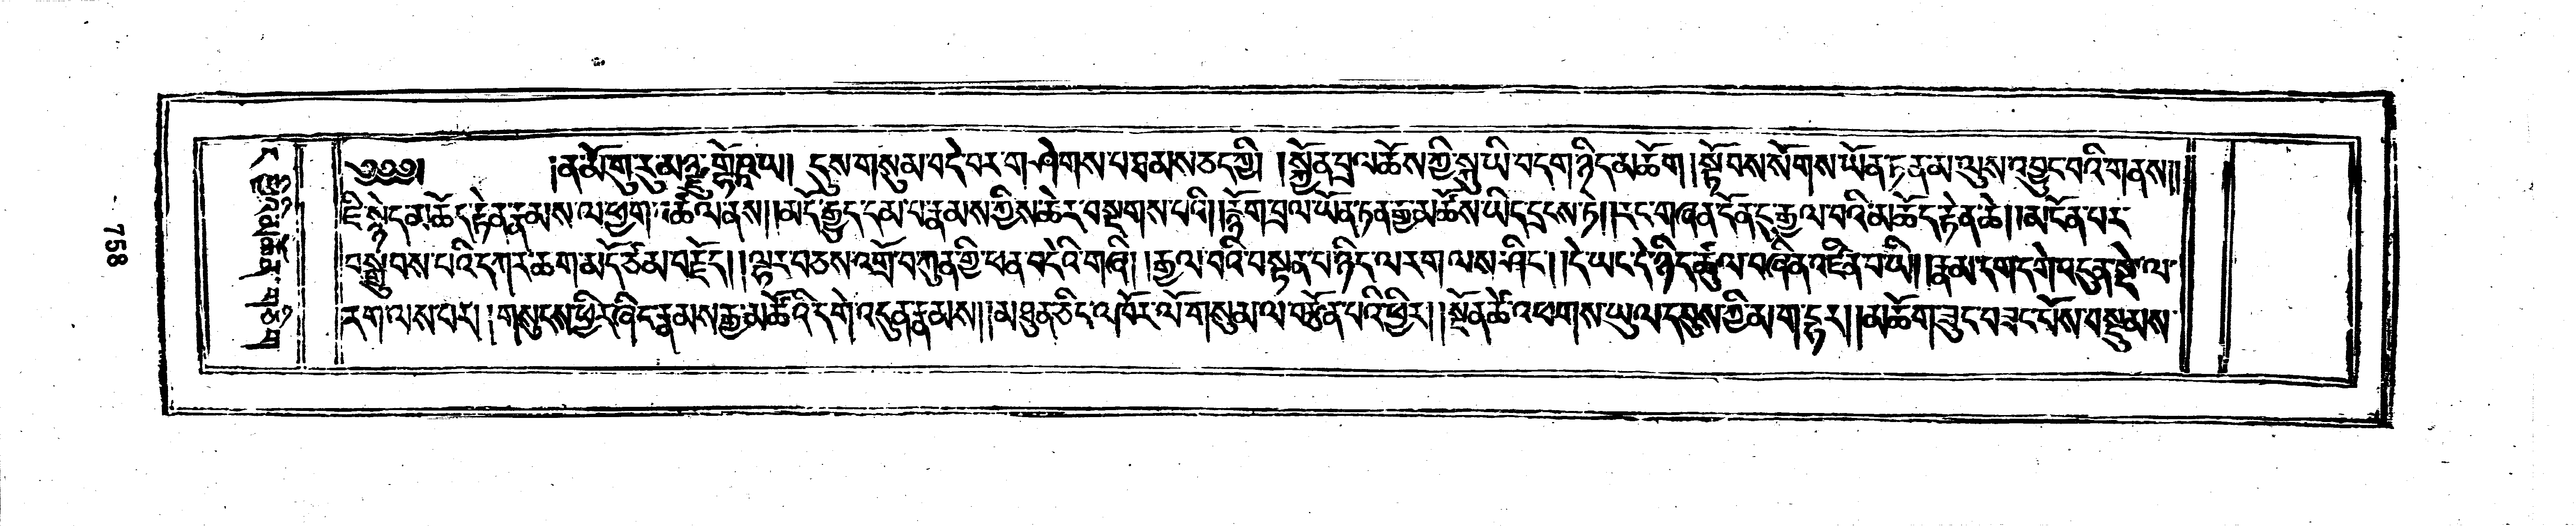༄༅༅། །ན་མོ་གུ་རུ་མཉྫུ་གྷོ་ཥཱ་ཡ། དུས་གསུམ་བདེ་བར་གཤེགས་པ་ཐམས་ཅད་ཀྱི། །སྐྱོན་བྲལ་ཆོས་ཀྱི་སྐུ་ཡི་བདག་ཉིད་མཆོག །སྟོབས་སོགས་ཡོན་ཏན་མ་ལུས་འབྱུང་བའི་གནས། །
ཇི་སྙེད་མཆོད་རྟེན་རྣམས་ལ་ཕྱག་འཚལ་ནས། །མདོ་རྒྱུད་དམ་པ་རྣམས་ཀྱིས་ཆེར་བསྔགས་པའི། །རྟོག་བྲལ་ཡོན་ཏན་རྒྱ་མཚོས་ཡིད་དྲངས་ཏེ། །རང་གཞན་དོན་དུ་རྒྱལ་བའི་མཆོད་རྟེན་ཆེ། །མངོན་པར་
བསྒྲུབས་པའི་དཀར་ཆག་མདོ་ཙམ་བརྗོད། །ལྷར་བཅས་འགྲོ་བ་ཀུན་གྱི་ཕན་བདེའི་གཞི། །རྒྱལ་བའི་བསྟན་པ་ཉིད་ལ་རག་ལས་ཤིང་། །དེ་ཡང་དེ་ཉིད་ཚུལ་བཞིན་འཛིན་པ་ཡི། །རྣམ་དག་དགེ་འདུན་སྡེ་ལ་
རག་ལས་པར། །གསུངས་ཕྱིར་ཞིང་རྣམས་རྒྱ་མཚོའི་དགེ་འདུན་རྣམས། །མཐུན་ཅིང་འཁོར་ལོ་གསུམ་ལ་བརྩོན་པའི་ཕྱིར། །སྔོན་ཚེ་འཕགས་ཡུལ་དབུས་ཀྱི་མ་ག་དྷར། །མཆོག་ཟུང་བཟང་པོས་བསྡུམས་